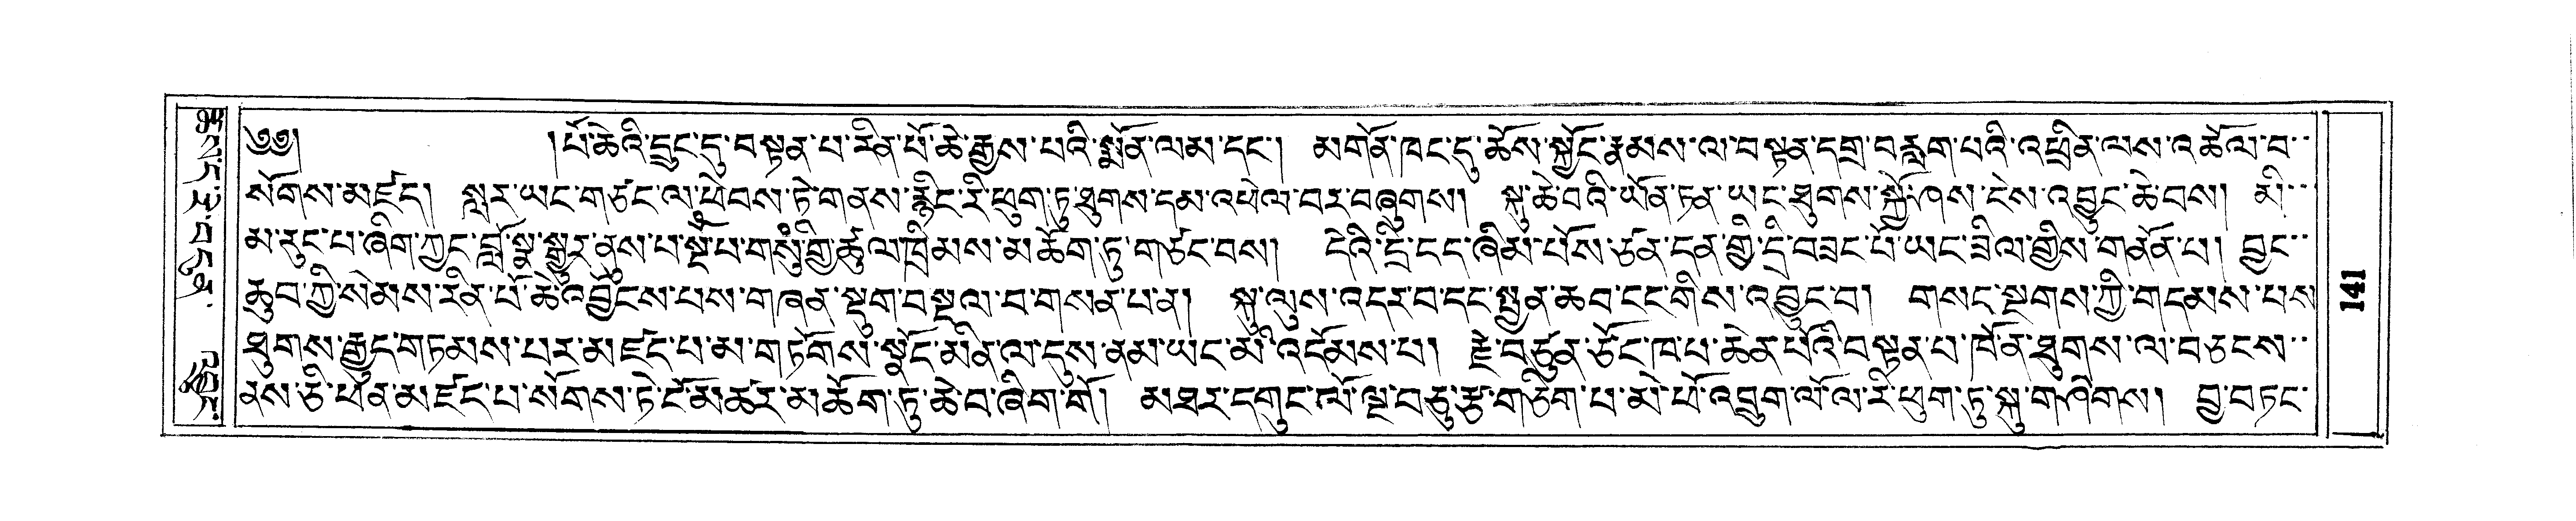༄༅། །པོ་ཆེའི་དྲུང་དུ་བསྟན་པ་རིན་པོ་ཆེ་རྒྱས་པའི་སྨོན་ལམ་དང་། མགོན་ཁང་དུ་ཆོས་སྐྱོང་རྣམས་ལ་བསྟན་དགྲ་བརླག་པའི་འཕྲིན་ལས་འཆོལ་བ་
སོགས་མཛད། སླར་ཡང་གཙང་ལ་ཕེབས་ཏེ་གནས་རྙིང་རི་ཕུག་ཏུ་ཐུགས་དམ་འཕེལ་བར་བཞུགས། སྐུ་ཆེ་བའི་ཡོན་ཏན་ཡང་ཐུགས་སྐྱོ་ཤས་ངེས་འབྱུང་ཆེ་བས། མི་
མ་རུང་པ་ཞིག་ཀྱང་བློ་སྣ་སྒྱུར་ནུས་པ་སྔོ་པ་གསུཾ་གྱི་ཚུལ་ཁྲིམས་མཆོག་ཏུ་གཙང་བས། དེའི་དྲི་ངད་ཞིམ་པོས་ཙན་དན་གྱི་དྲི་བཟང་པོ་ཡང་ཟིལ་གྱིས་གནོན་པ། བྱང་
ཆུབ་ཀྱི་སེམས་རིན་པོ་ཆེ་འབྱོངས་པས་གཞན་སྡུག་བསྔལ་བ་གསན་པ་ན། སྐུ་ལུས་འདར་བ་དང་སྤྱན་ཆབ་ངང་གིས་འབྱུང་བ། གསང་སྔགས་ཀྱི་གདམས་པས་
ཐུགས་རྒྱུད་གཏམས་པར་མཛད་པ་མ་གཏོགས་སྣོད་མིན་ལ་དུས་ནམ་ཡང་མི་འདོམས་པ། རྗེ་བཙུན་ཙོང་ཁ་པ་ཆེན་པོའི་བསྟན་པ་ཁོ་ན་ཐུགས་ལ་བཅངས་
ནས་ཅི་ཕན་མཛད་པ་སོགས་ཏེ་ངོ་མཚར་མཆོག་ཏུ་ཆེ་བ་ཞིག་གོ། མཐར་དགུང་ལོ་ལྔ་བཅུ་རྩ་གཅིག་པ་མེ་ཕོ་འབྲུག་ལོ་ལ་རི་ཕུག་ཏུ་སྐུ་གཤེགས། བྱ་བཏང་